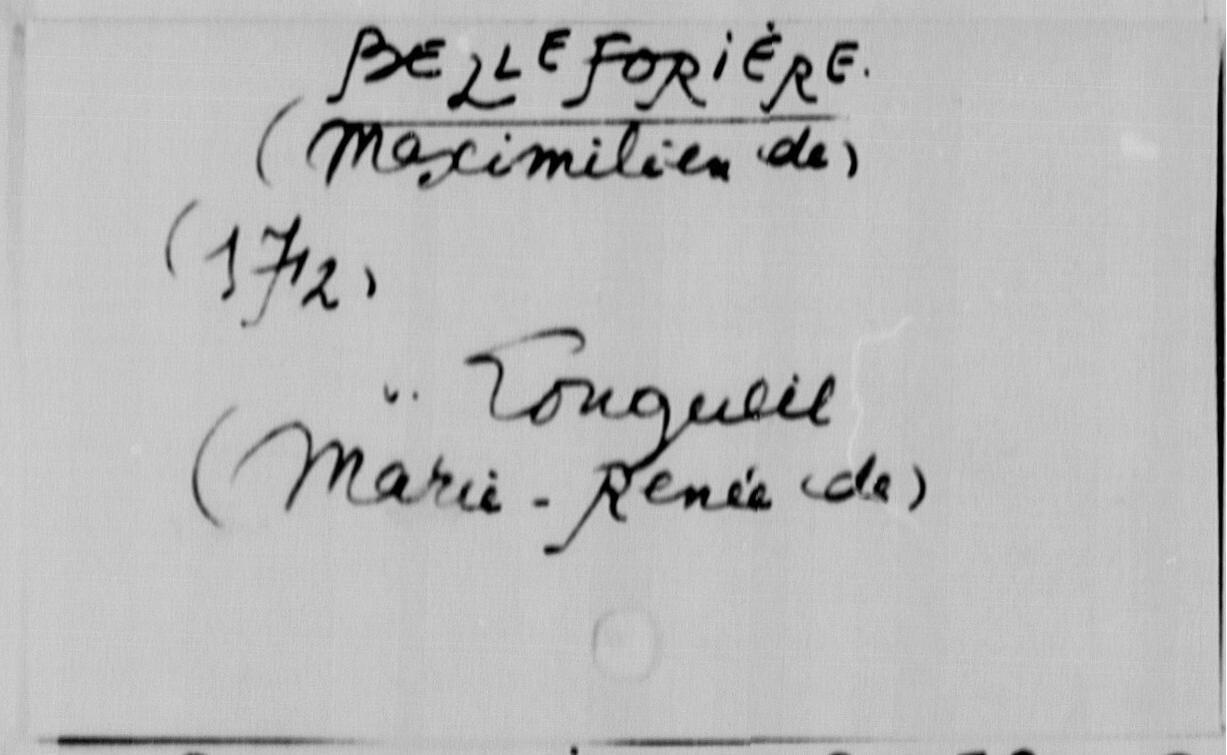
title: BELLEFORIÈRE (Maximilien de)
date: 1712
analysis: Voir Longueil (Marie-Renée de)
